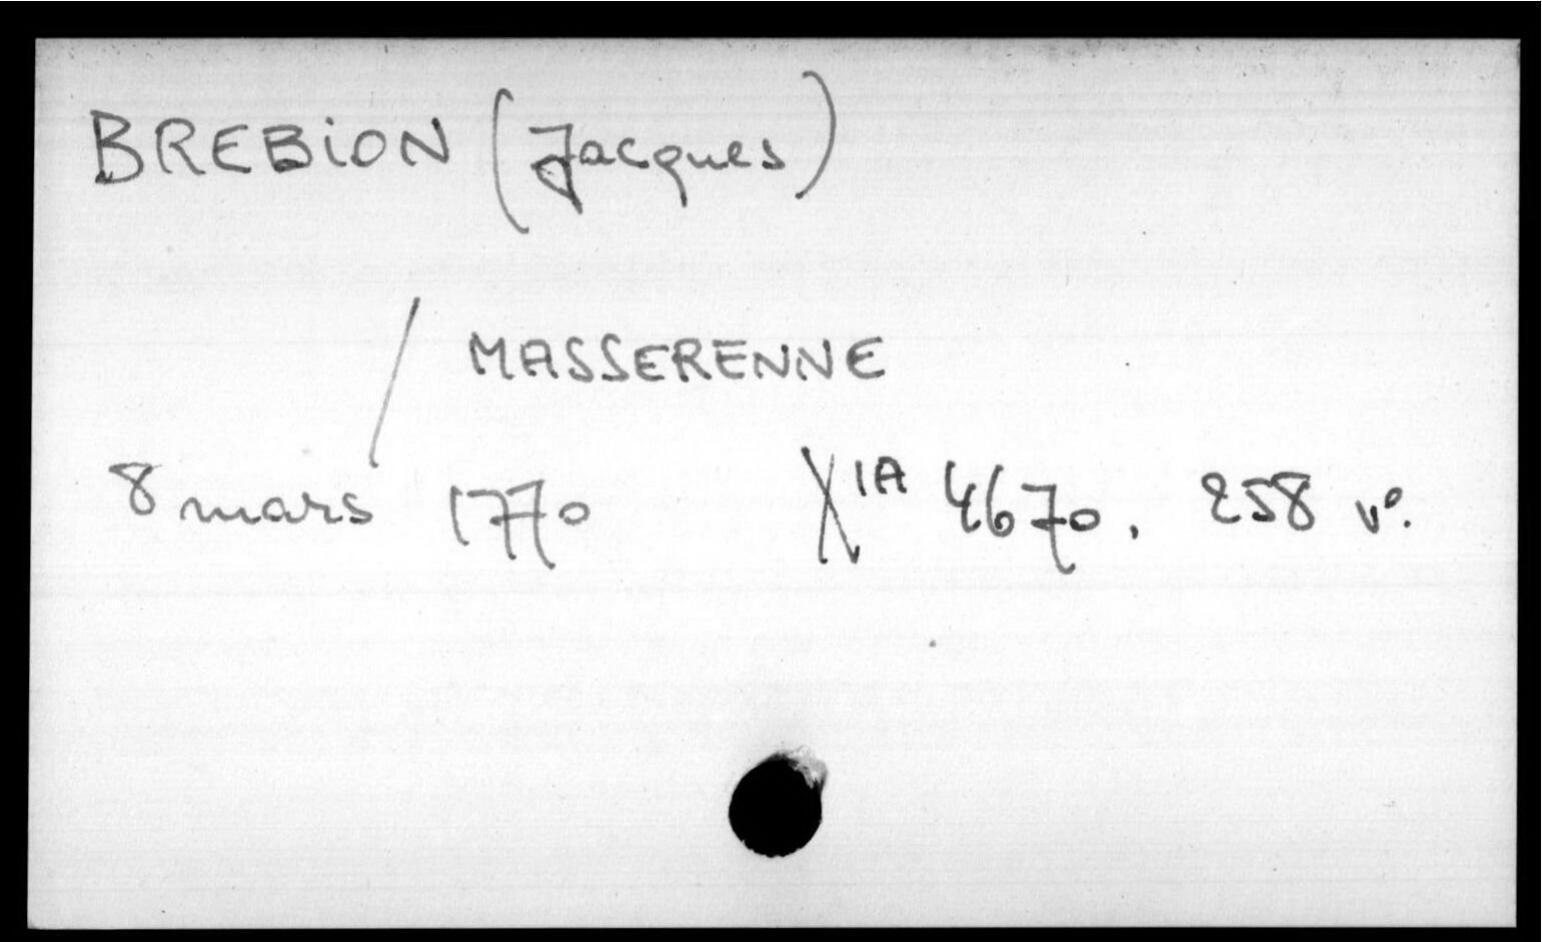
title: BREBION (Jacques)
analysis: Contre MASSERENNE
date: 8 mars 1770
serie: X1A
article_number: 4670
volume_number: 258v
